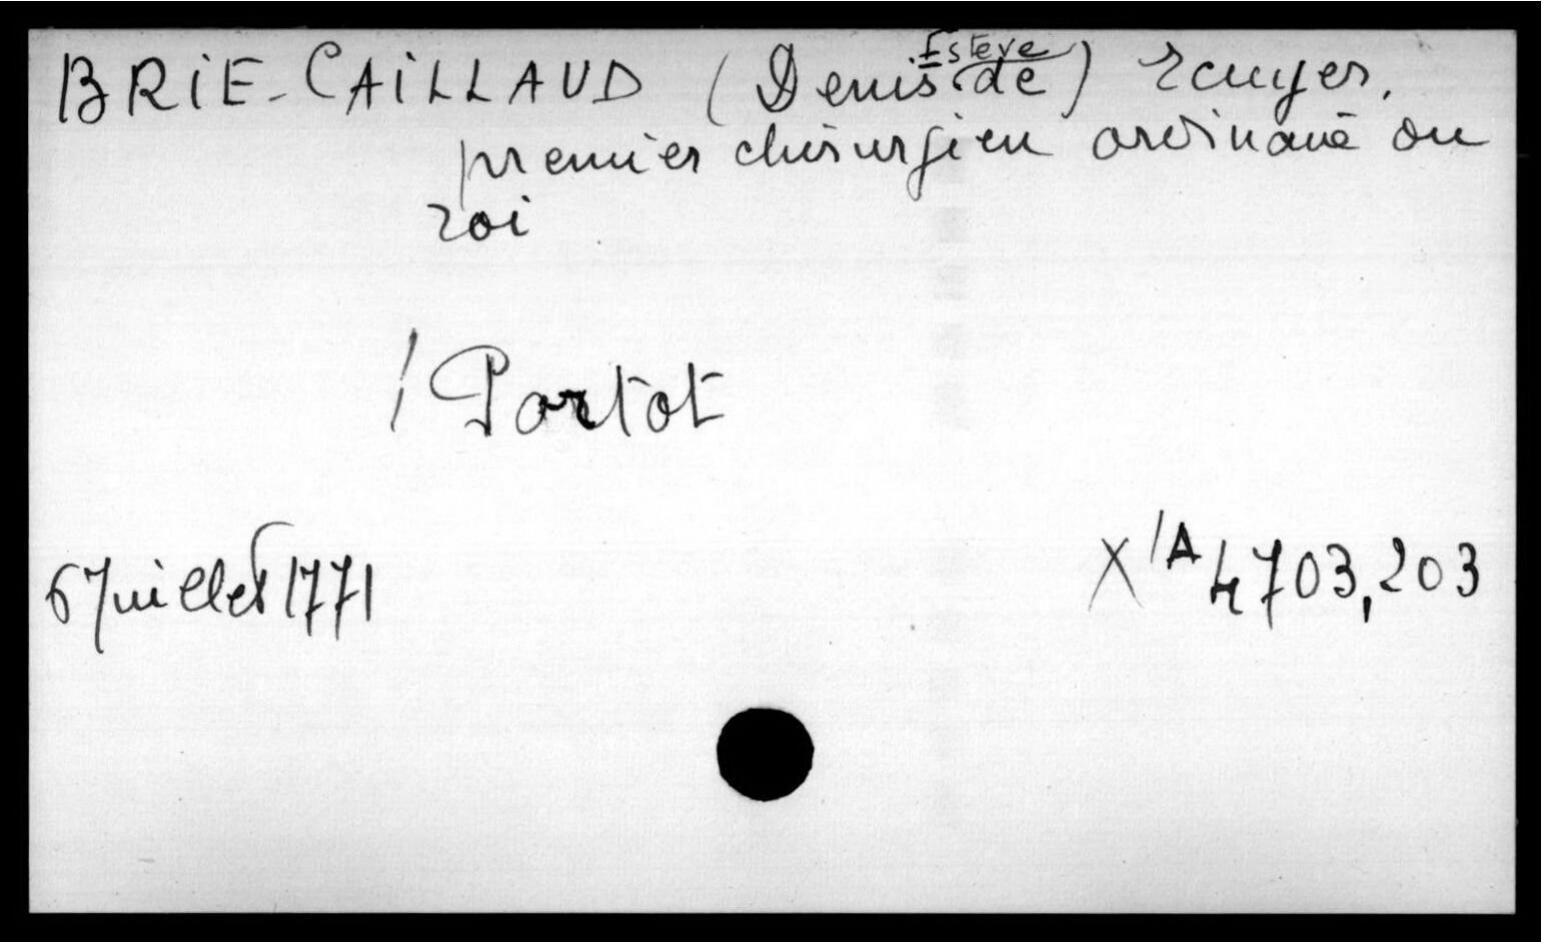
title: BRIE-CAILLAUD (Denis-Estève de) écuyer, premier chirurgien ordinaire du roi
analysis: Contre Partot
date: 6 juillet 1771
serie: X1A
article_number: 4703
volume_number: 203
